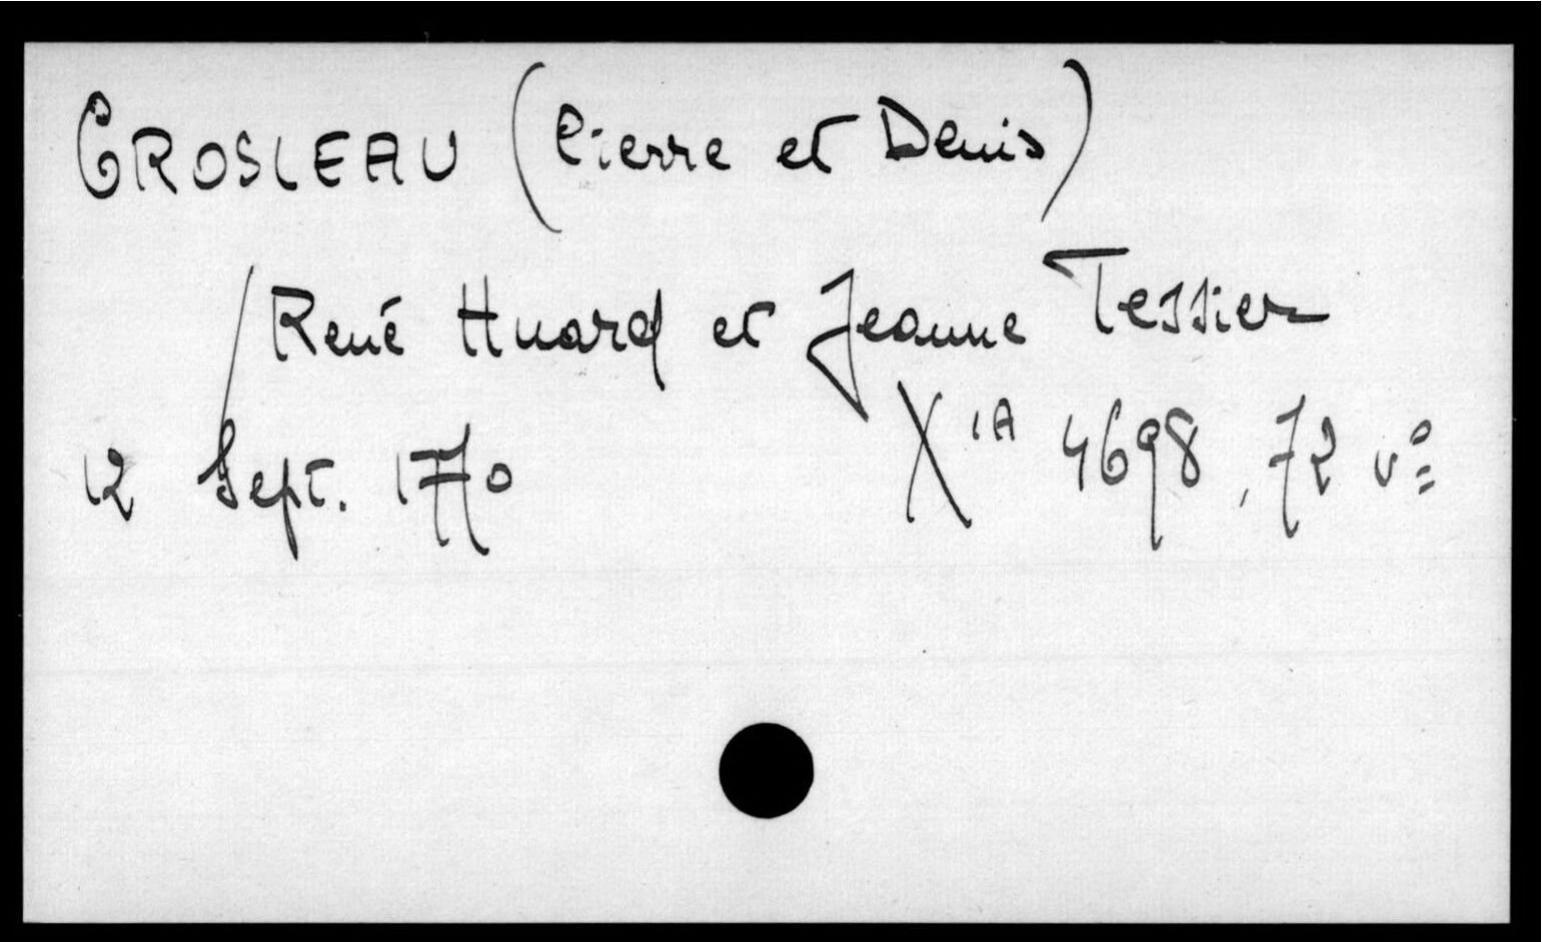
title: GROSLEAU (Pierre et Denis)
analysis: Contre René Huard et Jeanne Tessier
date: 12 septembre 1770
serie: X1A
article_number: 4698
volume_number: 72v
